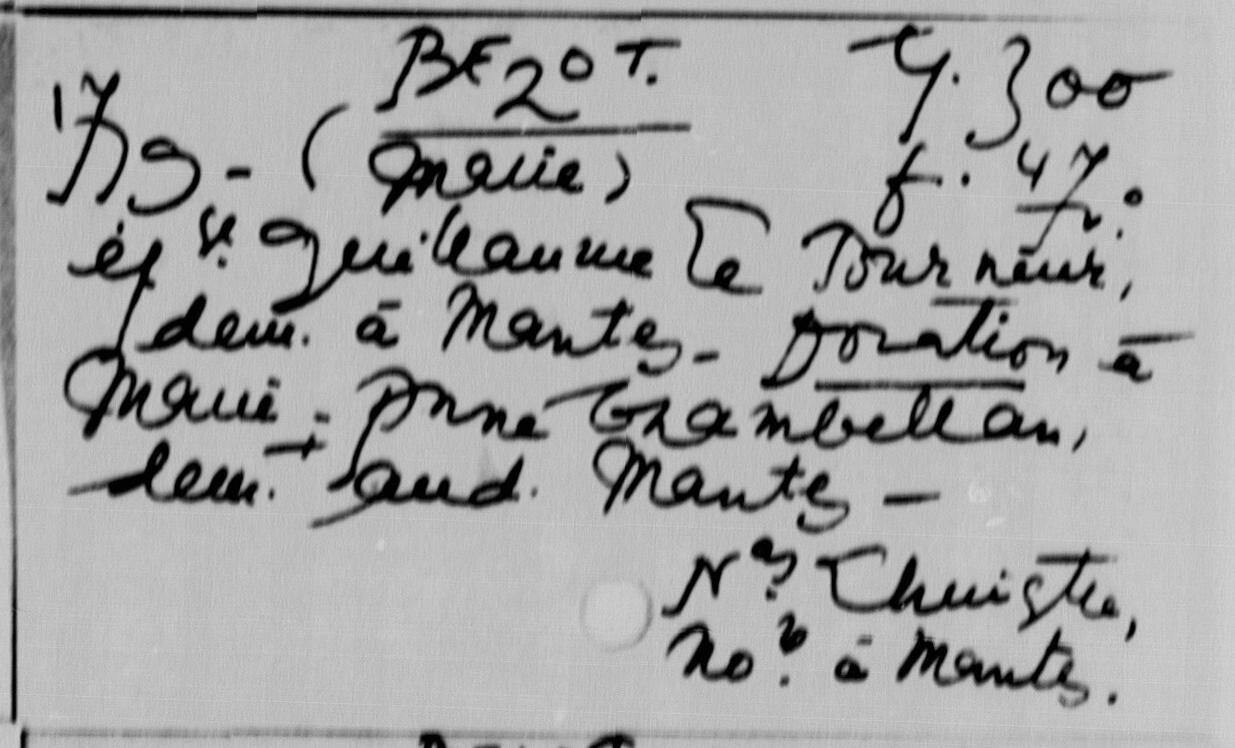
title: BELOT (Marie)
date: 1719
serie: Y
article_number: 300
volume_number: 47v
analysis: Épouse Guillaume Le Tourneur, demeurant à Mantes-Donation à Marie-Anne Chambellan, demeurant audit Mantes. Notaire Lhuistre, notaire à Mantes
